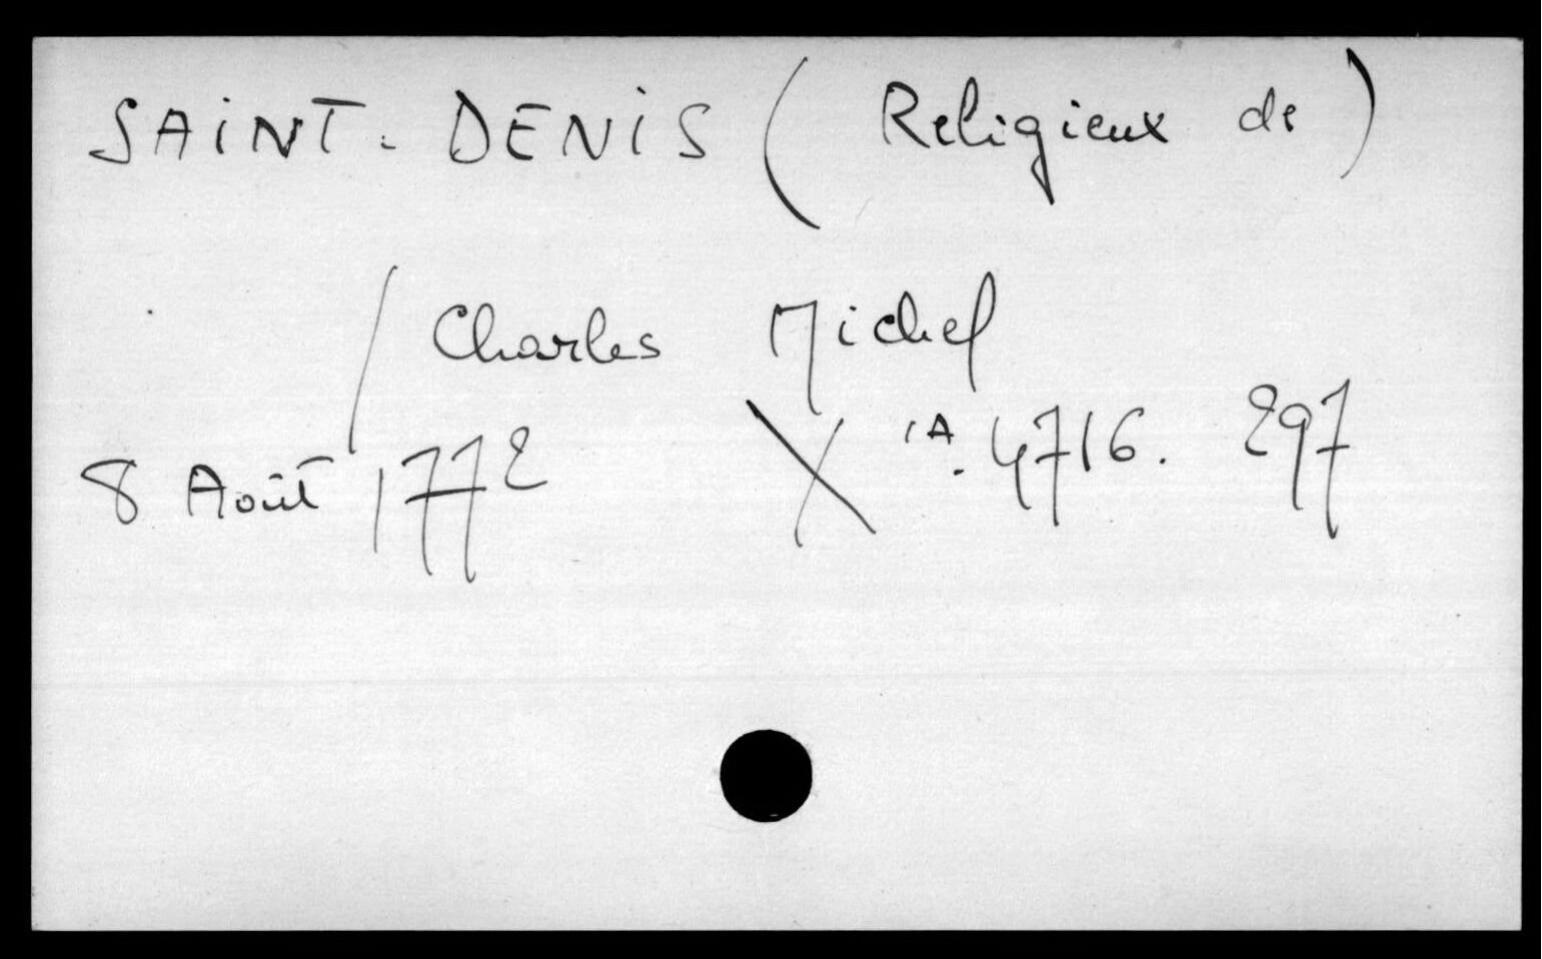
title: SAINT-DENIS (Religieux de)
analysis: Contre Charles Michel
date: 8 août 1772
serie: X1A
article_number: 4716
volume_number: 297
